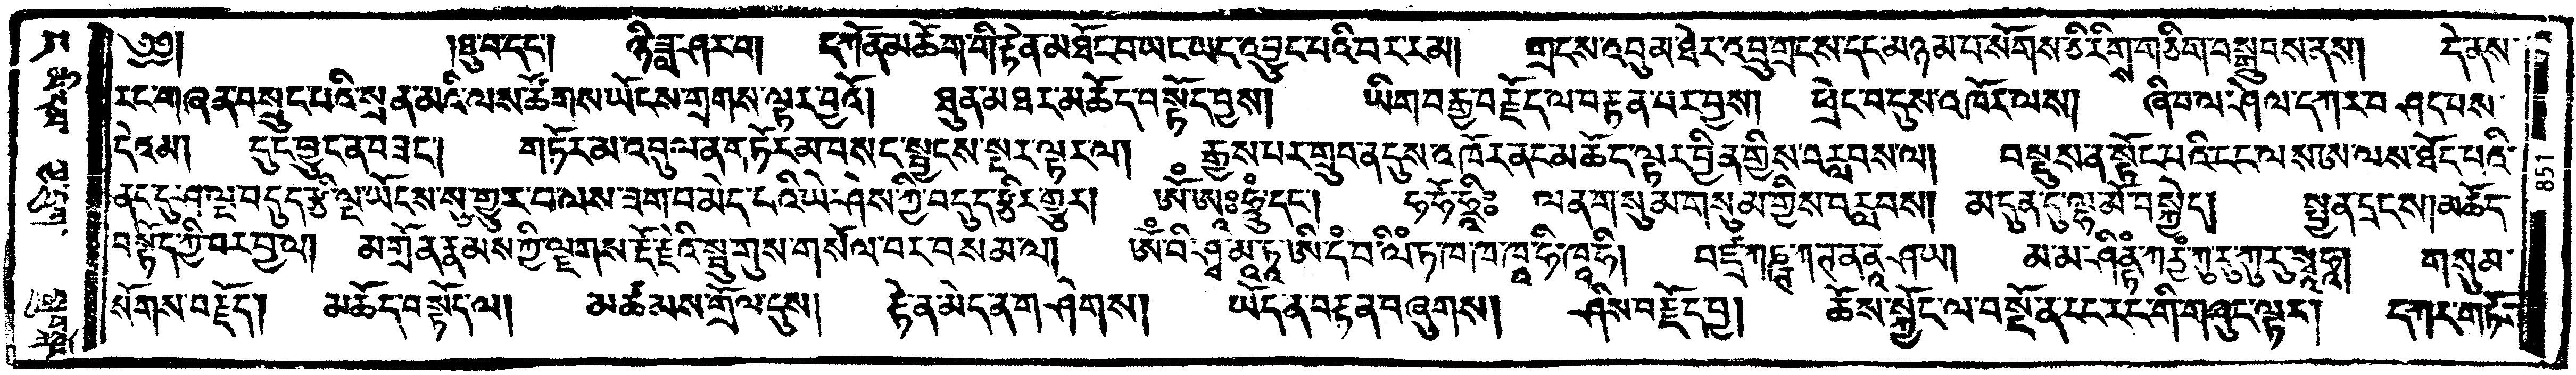༄༅། །ཐུབ་དང་། ཉི་ཟླ་ཤར་བ། དཀོན་མཆོག་གི་རྟེན་མཐོང་བ་ཡང་ཡང་འབྱུང་པའི་བར་རམ། གྲངས་འབུམ་ཐེར་འབྲུ་གྲངས་དང་མཉམ་པ་སོགས་ཅི་རིགས་གཅིག་བསྒྲུབས་ནས། དེ་ནས་
རང་གཞན་བསྲུང་པའི་སྲན་མའི་ལས་ཚོགས་ཡོངས་གྲགས་ལྟར་བྱའོ། ཐུན་མཐར་མཆོད་བསྟོད་བྱས། ཡིག་བརྒྱ་བརྗོད་ལ་བརྟན་པར་བྱས། ཕྲེང་བ་དུས་འཁོར་ལས། ཞི་བ་ལ་ཤེལ་དཀར་བཤད་པས་
དེའམ། དུང་བྱུང་ན་བཟང་། གཏོར་མ་འབུལ་ན་གཏོར་མ་བསང་སྦྱངས་སྔར་ལྟར་ལ། རྒྱས་པར་གྲུབ་ན་དུས་འཁོར་ནང་མཆོད་ལྟར་བྱིན་གྱིས་བརླབས་ལ། བསྡུས་ན་སྟོང་པའི་ངང་ལས་ཨ་ལས་ཐོད་པའི་
ནང་དུ་ཤ་ལྔ་བདུད་རྩི་ལྔ་ཡོངས་སུ་གྱུར་པ་ལས་ཟག་པ་མེད་པའི་ཡེ་ཤེས་ཀྱི་བདུད་རྩིར་གྱུར། ཨོཾ་ཨཱཿ ཧཱུཾ་དང་། ཧ་ཧོ་ཧྲཱིཿ ལན་གསུམ་གསུམ་གྱིས་བརླབས། མདུན་དུ་ལྷ་མོ་བསྐྱེད། སྤྱན་དྲངས། མཆོད་
བསྟོད་ཀྱི་བར་བྱ་ལ། མགྲོན་རྣམས་ཀྱི་ལྗགས་རྡོ་རྗེའི་སྦུ་གུས་གསོལ་བར་བསམ་ལ། ཨོཾ་བི་ཤྭ་མཱ་ཏཱ་ཨི་དཾ་བ་ལིཾ་ཏ་ཁ་ཁ་ཁཱ་ཧི། ཁཱ་ཧི། བཛྲ་ཀཎྚ་ཀ་ཊ་ན་ནཱ་ཤ་ཡ། མ་མ་ཤིནྟཾ་ཀརྱཾ་ཀུ་རུ་ཀུ་རུ་སྭཱཧཱ། གསུམ་
སོགས་བརྗོད། མཆོད་བསྟོད་ལ། མཚམས་གྲོལ་དུས། རྟེན་མེད་ན་གཤེགས། ཡོད་ན་བརྟན་བཞུགས། ཤིས་བརྗོད་བྱ། ཆོས་སྐྱོང་ལ་བསྔོ་ན་རང་རང་གི་གཞུང་ལྟར། དཀར་གཏོར་